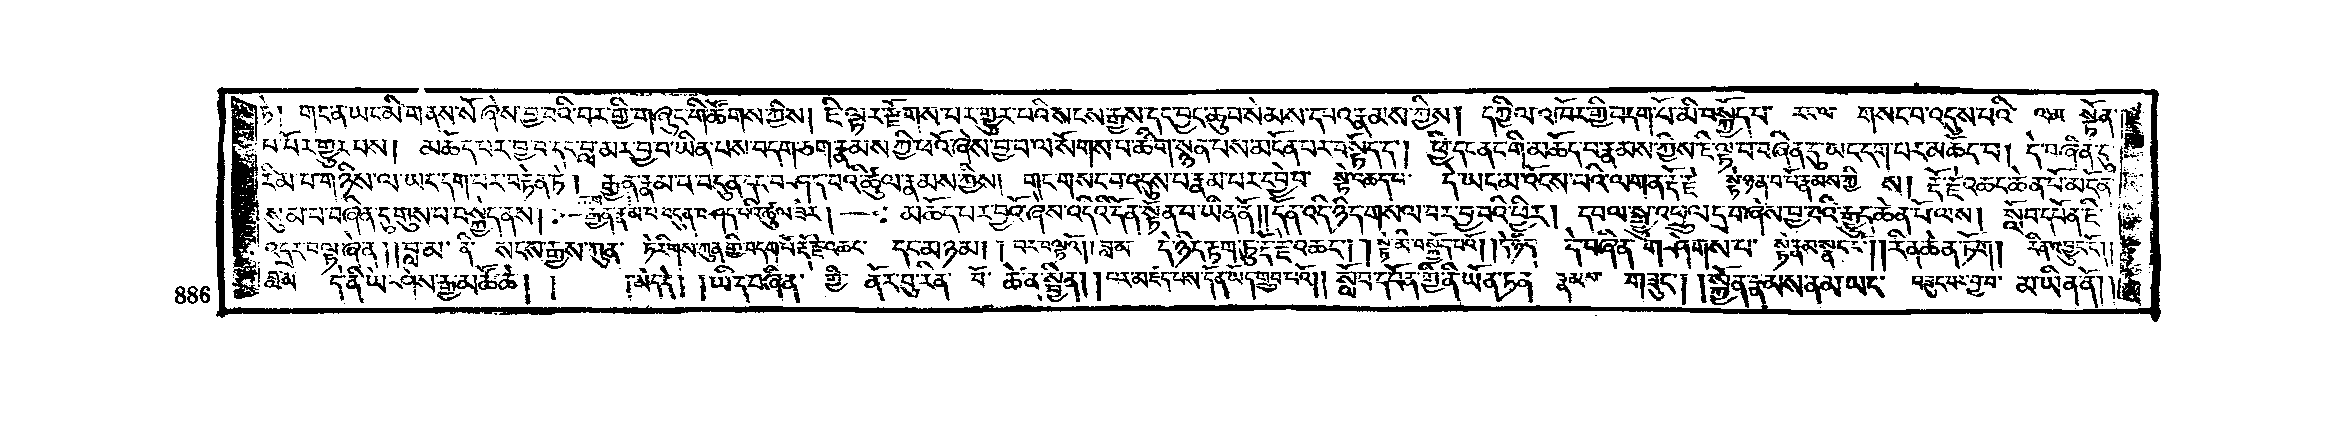ཏེ། གང་ན་ཡང་མི་གནས་སོ་ཞེས་བྱ་བའི་བར་གྱི་གཞུང་གི་ཚོགས་ཀྱིས། ཇི་ལྟར་རྫོགས་པར་གྱུར་པའི་སངས་རྒྱས་དང་བྱང་ཆུབ་སེམས་དཔའ་རྣམས་ཀྱིས། དཀྱིལ་འཁོར་གྱི་བདག་པོ་མི་བསྐྱོད་པ་རང་ལ་གསང་བ་འདུས་པའི་ལམ་སྟོན་
པ་པོར་གྱུར་པས། མཆོད་པར་བྱ་བ་དང་བླ་མར་བྱ་བ་ཡིན་པས་བདག་ཅག་རྣམས་ཀྱི་ཕའོ་ཞེས་བྱ་བ་ལ་སོགས་པ་ཚིག་སྙན་པས་མངོན་པར་བསྟོད་དེ། ཕྱི་དང་ནང་གི་མཆོད་པ་རྣམས་ཀྱིས་ཇི་ལྟ་བ་བཞིན་དུ་ཡང་དག་པར་མཆོད་པ། དེ་བཞིན་དུ་
རིམ་པ་གཉིས་ལ་ཡང་དག་པར་བརྟེན་ཏེ། རྒྱན་རྣམ་པ་བདུན་དང་བཤད་པའི་ཚུལ་རྣམས་ཀྱིས། གང་གསང་བ་འདུས་པ་རྣམ་པར་དབྱེ་བ་སྟེ་འཆད་པ་དེ་ཡང་མ་འོངས་པའི་ལག་ན་རྡོ་རྗེ་སྟེ་ཉན་པ་པོ་རྣམས་ཀྱིས། རྡོ་རྗེ་འཆང་ཆེན་པོ་མངོན་
སུམ་པ་བཞིན་དུ་གུས་པ་བསྐྱེད་ནས། H.་ཆག་རྒྱན་རྣམ་པ་བདུན་བཤད་པའི་ཚུལ་ཟེར།  .H མཆོད་པར་བྱའོ་ཞེས་འདིའི་དོན་སྟོན་པ་ཡིན་ནོ། །དོན་འདི་ཉིད་གསལ་བར་བྱ་བའི་ཕྱིར། དཔལ་སྒྱུ་འཕྲུལ་དྲ་བ་ཞེས་བྱ་བའི་རྒྱུད་ཆེན་པོ་ལས། སློབ་དཔོན་ཇི་
འདྲར་བལྟ་ཞེ་ན། །བླ་མ་ནི་སངས་རྒྱས་ཀུན་ཏེ་རིགས་ཀུན་གྱི་བདག་པོ་རྡོ་རྗེ་འཆང་དང་མཉམ། །པར་བལྟའོ། །བླ་མ་དེ་ཉིད་རྟག་ཏུ་རྡོ་རྗེ་འཆང་། །སྟེ་མི་བསྐྱོད་པའོ། །དེ་ཉིད་དེ་བཞིན་གཤེགས་པ་སྟེ་རྣམ་སྣང་ངོ། །རིན་ཆེན་ཏོག། རིན་འབྱུང་ངོ། །
བླ་མ་དེ་ནི་ཡེ་ཤེས་རྒྱ་མཚོ་ཆེ། །ཉི་འོད་དཔག་མེད་དེ། །ཡིད་བཞིན་གྱི་ནོར་བུ་རིན་པོ་ཆེན་ན་སྦྱིན། ། པར་མཛད་པས་དོན་ཡོད་གྲུབ་པའོ།  །སློབ་དཔོན་གྱི་ནི་ཡོན་ཏན་རྣམས་གཟུང་། །སྐྱོན་རྣམས་ནམ་ཡང་བཟུང་བར་བྱ་བ་མ་ཡིན་ནོ།།